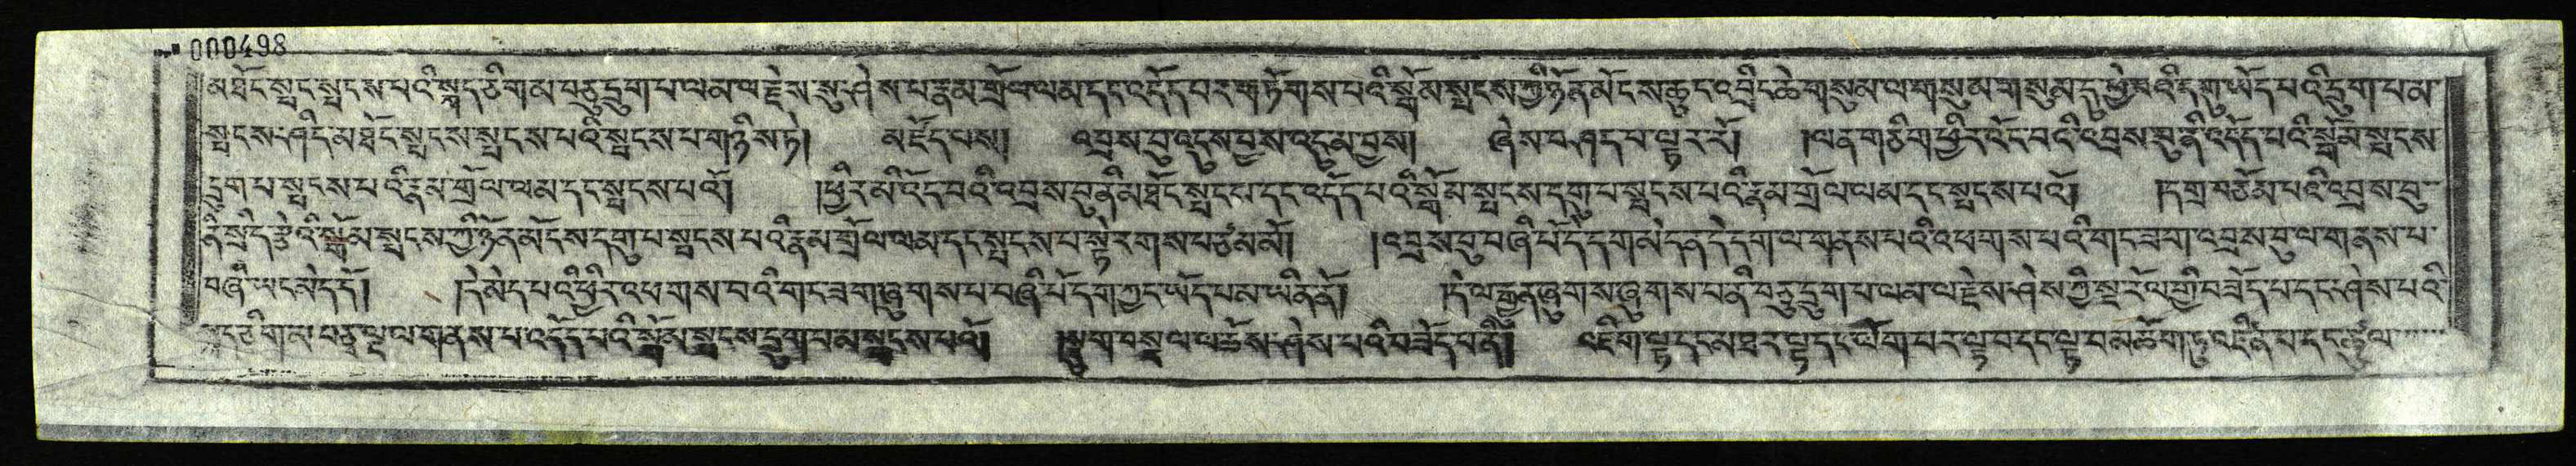མཐོང་སྤང་སྤངས་པའི་སྐད་ཅིག་མ་བཅུ་དྲུག་པ་ལམ་ལ་རྗེས་སུ་ཤེས་པ་རྣམ་གྲོལ་ལམ་དང་འདོད་པར་གཏོགས་པའི་སྒོམ་སྤངས་ཀྱི་ཉོན་མོངས་ཆུང་འབྲིང་ཆེ་གསུམ་ལ་གསུམ་གསུམ་དུ་ཕྱེ་བའི་དགུ་ཡོད་པའི་དྲུག་པ་མ་
སྤངས་ཤིང་མཐོང་སྤངས་སྤངས་པའི་སྤངས་པ་གཉིས་ཏེ། མཛོད་པས། འབྲས་བུ་འདུས་བྱས་འདུ་མ་བྱས། ཞེས་བཤད་པ་ལྟར་རོ། །ལན་གཅིག་ཕྱིར་འོང་བའི་འབྲས་བུ་ནི་འདོད་པའི་སྒོམ་སྤངས་
དྲུག་པ་སྤངས་པའི་རྣམ་གྲོལ་ལམ་དང་སྤངས་པའོ། །ཕྱིར་མི་འོང་བའི་འབྲས་བུ་ནི་མཐོང་སྤངས་དང་འདོད་པའི་སྒོམ་སྤངས་དགུ་པ་སྤངས་པའི་རྣམ་གྲོལ་ལམ་དང་སྤངས་པའོ། །དགྲ་བཅོམ་པའི་འབྲས་བུ་
ནི་སྲིད་རྩེའི་སྒོམ་སྤངས་ཀྱི་ཉོན་མོངས་དགུ་པ་སྤངས་པའི་རྣམ་གྲོལ་ལམ་དང་སྤངས་པ་སྟེ་རགས་པ་ཙམ་མོ། །འབྲས་བུ་བཞི་པོ་དེ་དག་མེད་ན་དེ་དག་ལ་གནས་པའི་འཕགས་པའི་གང་ཟག་འབྲས་བུ་ལ་གནས་པ་
བཞི་ཡང་མེད་དོ། །དེ་མེད་པའི་ཕྱིར་འཕགས་པའི་གང་ཟག་ཞུགས་པ་བཞི་པོ་དག་ཀྱང་ཡོད་པ་མ་ཡིན་ནོ། །དེ་ལ་རྒྱུན་ཞུགས་ཞུགས་པ་ནི་བཅུ་དྲུག་པ་ལམ་ལ་རྗེས་ཤེས་ཀྱི་སྔ་རོལ་གྱི་བཟོད་པ་དང་ཤེས་པའི་
སྐད་ཅིག་མ་བཅྭ་ལྔ་ལ་གནས་པ་འདོད་པའི་སྒོམ་སྤངས་དྲུག་པ་མ་སྤངས་པའོ། །སྡུག་བསྔལ་ལ་ཆོས་ཤེས་པའི་བཟོད་པ་ནི། འཇིག་ལྟ་དང་མཐར་ལྟ་དང་ལོག་པར་ལྟ་བ་དང་ལྟ་བ་མཆོག་ཏུ་འཛིན་པ་དང་ཚུལ་